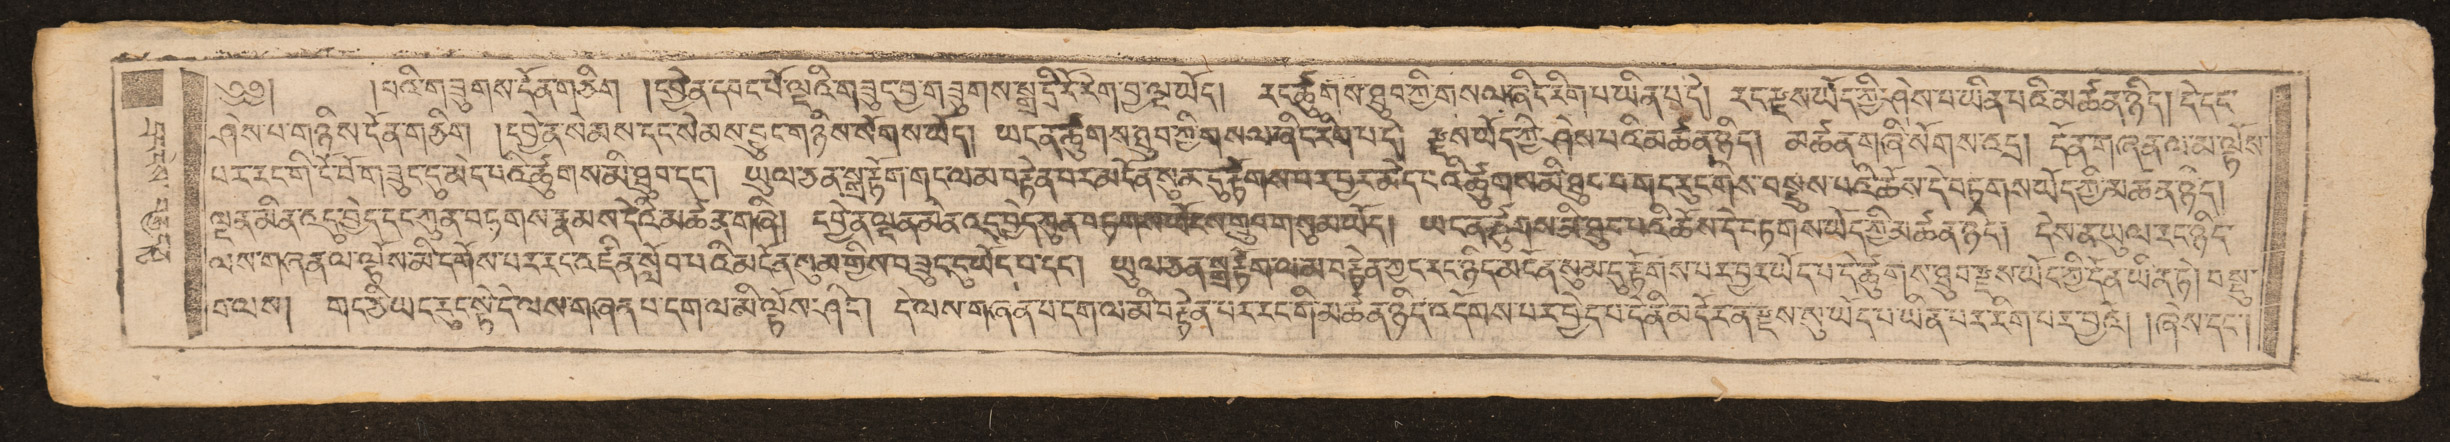༄༅། །པའི་གཟུགས་དོན་གཅིག །དབྱེ་ན་དབང་པོ་ལྔའི་གཟུང་བྱ་གཟུགས་སྒྲ་དྲི་རོ་རེག་བྱ་ལྔ་ཡོད། རང་ཚུགས་ཐུབ་ཀྱི་གསལ་ཞིང་རིག་པ་ཡིན་པ་དེ། རང་རྫས་ཡོད་ཀྱི་ཤེས་པ་ཡིན་པའི་མཚན་ཉིད། དེ་དང་
ཤེས་པ་གཉིས་དོན་གཅིག །དབྱེ་ན་སེམས་དང་སེམས་བྱུང་གཉིས་སོགས་ཡོད། ཡང་ན་ཚུགས་ཐུབ་ཀྱི་གསལ་ཞིང་རིག་པ་དེ། རྫས་ཡོད་ཀྱི་ཤེས་པའི་མཚན་ཉིད། མཚན་གཞི་སོགས་འདྲ། དོན་གཞན་ལ་མ་ལྟོས་
པར་རང་གི་ངོ་བོ་གཟུང་དུ་མེད་པའི་ཚུགས་མི་ཐུབ་དང་། ཡུལ་ཅན་སྒྲ་རྟོག་གང་ལམ་བརྟེན་པར་མངོན་སུམ་དུ་རྟོགས་པར་བྱར་མེད་པའི་ཚུགས་མི་ཐུབ་པ་གང་རུང་གིས་བསྡུས་པའི་ཆོས་དེ་བཏགས་ཡོད་ཀྱི་མཚན་ཉིད།
ལྡན་མིན་འདུ་བྱེད་དང་ཀུན་བཏགས་རྣམས་དེའི་མཚན་གཞི། དབྱེ་ན་ལྡན་མིན་འདུ་བྱེད་ཀུན་བཏགས་ཡོངས་གྲུབ་གསུམ་ཡོད། ཡང་ན་ཚུགས་མི་ཐུབ་པའི་ཆོས་དེ་བཏགས་ཡོད་ཀྱི་མཚན་ཉིད། དེས་ན་ཡུལ་རང་ཉིད་
ལས་གཞན་ལ་ལྟོས་མི་དགོས་པར་རང་འཛིན་སློབ་པའི་མངོན་སུམ་གྱིས་བཟུང་དུ་ཡོད་པ་དང་། ཡུལ་ཅན་སྒྲ་རྟོག་ལ་མ་བརྟེན་ཀྱང་རང་ཉིད་མངོན་སུམ་དུ་རྟོགས་པར་བྱར་ཡོད་པ་དེ་ཚུགས་ཐུབ་རྫས་ཡོད་ཀྱི་དོན་ཡིན་ཏེ། བསྡུ་
བ་ལས། གང་ཅི་ཡང་རུང་སྟེ་དེ་ལས་གཞན་པ་དག་ལ་མི་ལྟོས་ཤིང་། དེ་ལས་གཞན་པ་དག་ལ་མི་བརྟེན་པར་རང་གི་མཚན་ཉིད་འདོགས་པར་བྱེད་པ་དེ་ནི་མདོར་ན་རྫས་སུ་ཡོད་པ་ཡིན་པར་རིག་པར་བྱའོ། །ཞེས་དང་།